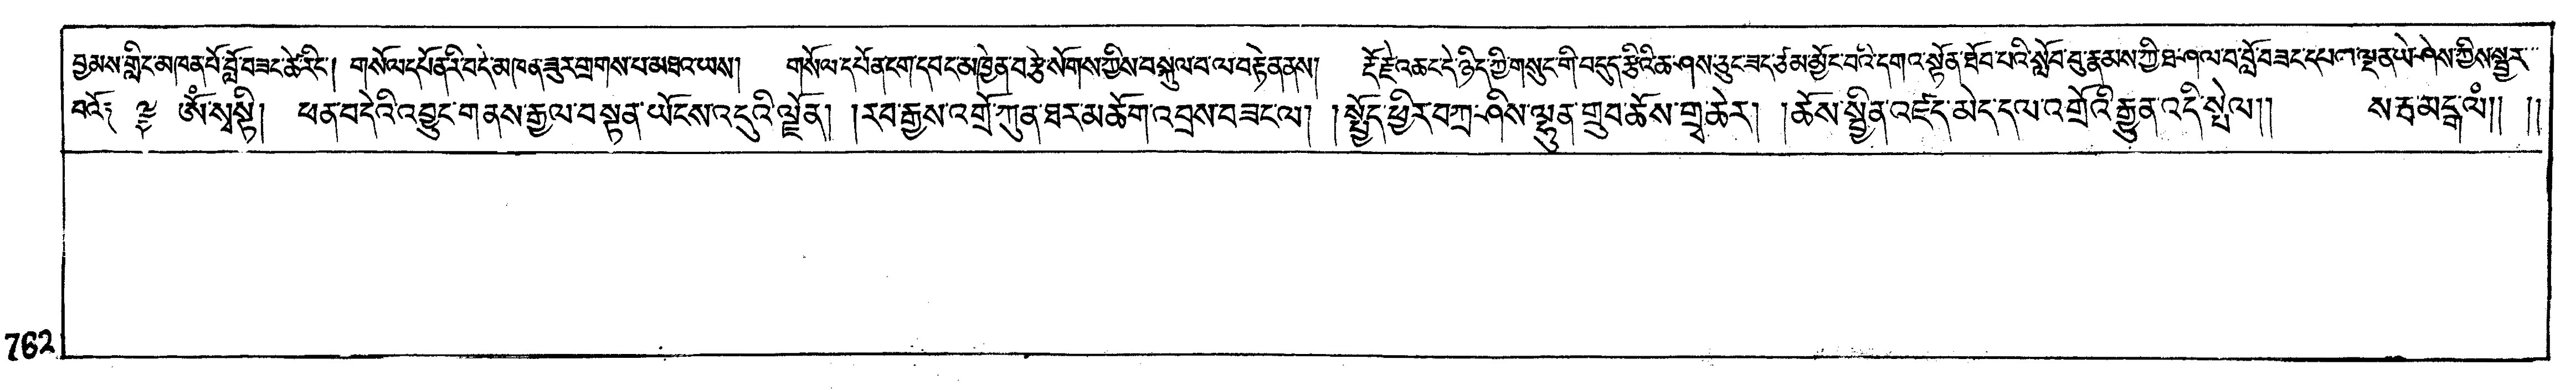བྱམས་གླིང་མཁན་པོ་བློ་བཟང་ཚེ་རིང་། གསོལ་དཔོན་རི་བདེ་མཁན་ཟུར་གྲགས་པ་མཐའ་ཡས། གསོལ་དཔོན་ངག་དབང་མཁྱིན་བརྩེ་སོགས་ཀྱིས་བསྐུལ་བ་ལ་བརྟན་ནས། རྡོ་རྗེ་འཆང་དེ་ཉིད་ཀྱི་གསུང་གི་བཏུད་རྩིའི་ཆ་ཤས་ཅུང་ཟད་ཙམ་མྱོང་བའི་དགའ་སྟོན་ཐེབ་བའི་སློབ་བུ་རྣམས་ཀྱི་ཐ་ཤལ་བཟློ་བཟང་དཔལ་ལྡན་ཡེ་ཤེས་ཀྱིས་སྦྱར་
བའོ༑༑ ༈ ཨོཾ་སྭ་སྟི། ཕན་བདེའི་འབྱུང་གནས་རྒྱལ་བསྟན་ཡོངས་འདུའི་ལྗོན། །རབ་རྒྱས་འགྲོ་ཀུན་ཐར་མཆོག་འབྲས་བཟང་ལ། །སྤྱོད་ཕྱིར་བཀྲ་ཤིས་ལྷུན་གྲུབ་ཆོས་གྲྭ་ཆེར། །ཆོས་སྦྱིན་འཛད་མེད་དལ་འགྲོའི་རྒྱུན་འདི་སྤེལ།། སརྦ་མངྒ་ལི།།